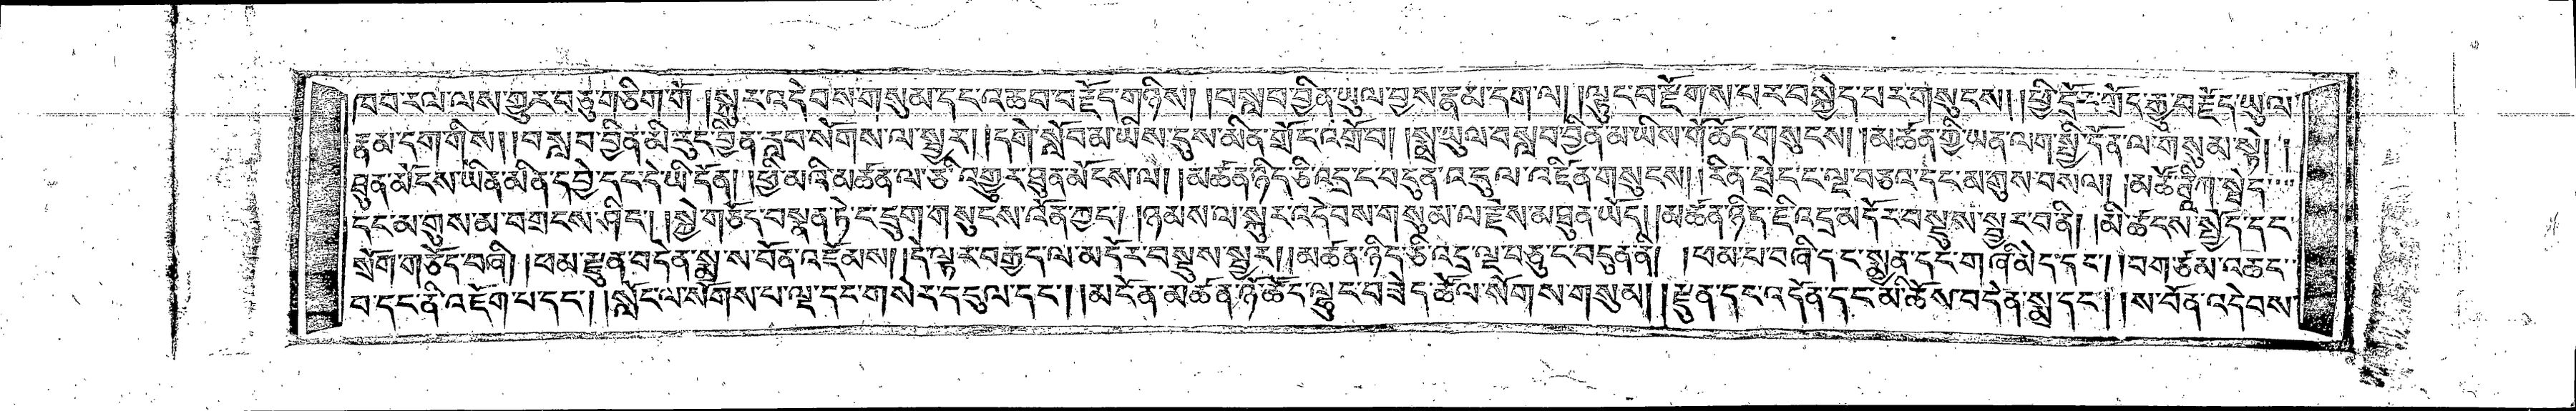ཁབ་རལ་ལས་གྱུར་བཅུ་གཅིག་གོ །སྐུར་འདེབས་གསུམ་དང་འཆབ་བརྗོད་གཉིས། །བསླབ་བྱིན་ཡུལ་བྱས་རྣམ་དག་ལ། །ལྟུང་བ་རྫོགས་པར་བསྐྱེད་པར་གསུངས། །ཕྱི་དྲོར་གྲོང་རྒྱུ་བརྗོད་ཡུལ་
རྣམ་དག་གིས། །བསླབ་བྱིན་མི་རུང་བྱིན་རླབ་སོགས་ལ་སྦྱར། །དགེ་སློབ་མ་ཡིས་དུས་མིན་གྲོང་འགྲོ་བ། །སྨྲ་ཡུལ་བསླབ་བྱིན་མ་ཡིས་གོ་ཆོད་གསུངས། །མཚན་གྱི་ཡན་ལག་སྤྱི་དོན་ལ་གསུམ་སྟེ། །
ཐུན་མོངས་ཡིན་མིན་དབྱེ་དང་དེ་ཡི་དོན། །ཕྱི་མའི་མཚན་ལ་ཅི་འགྱུར་ཐུན་མོངས་ལ། །མཚན་ཉིད་ཅི་འདྲ་ང་བདུན་འདུལ་འཛིན་གསུངས། །རིན་ཕྲེང་ང་ལྔ་བཅའ་དང་མ་གུས་བསལ། །མཚོ་ཊཱིཀ་སྦེད་
དང་མ་གུས་མ་བགྲངས་ཤིང་། །སྐྱེ་གཅོད་བསྣན་ཏེ་ང་དྲུག་གསུངས་འོན་ཀྱང་། །ཉམས་ལ་སྐུར་འདེབས་གསུམ་ལ་རྗེས་མཐུན་ཡོད། །མཚན་ཉིད་ཇི་འདྲ་མདོར་བསྡུས་སྦྱར་བ་ནི། །མི་ཚངས་སྤྱོད་དང་
སྲོག་གཅོད་བཞི། །ཕམ་རྫུན་བདེན་སྨྲ་ས་བོན་འཇོམས། །དེ་ལྟར་བརྒྱད་ལ་མདོར་བསྡུས་སྦྱར། །མཚན་ཉིད་ཅི་འདྲ་ལྔ་བཅུ་ང་བདུན་ནི། །ཕམ་པ་བཞི་དང་སྨྱན་དང་གཞི་མེད་དང་། །བག་ཙམ་འཆད་
བ་དང་ནི་འཇོག་པ་དང་། །སློང་ལ་སོགས་པ་ལྔ་དང་གསེར་དངུལ་དང་། །མངོན་མཚན་ཉོ་ཚོང་ལྷུང་བཟེད་ཚོལ་སོགས་གསུམ། །རྫུན་དང་འདོན་དང་མི་ཆོས་བདེན་སྨྲ་དང་། །ས་བོན་འདེབས་